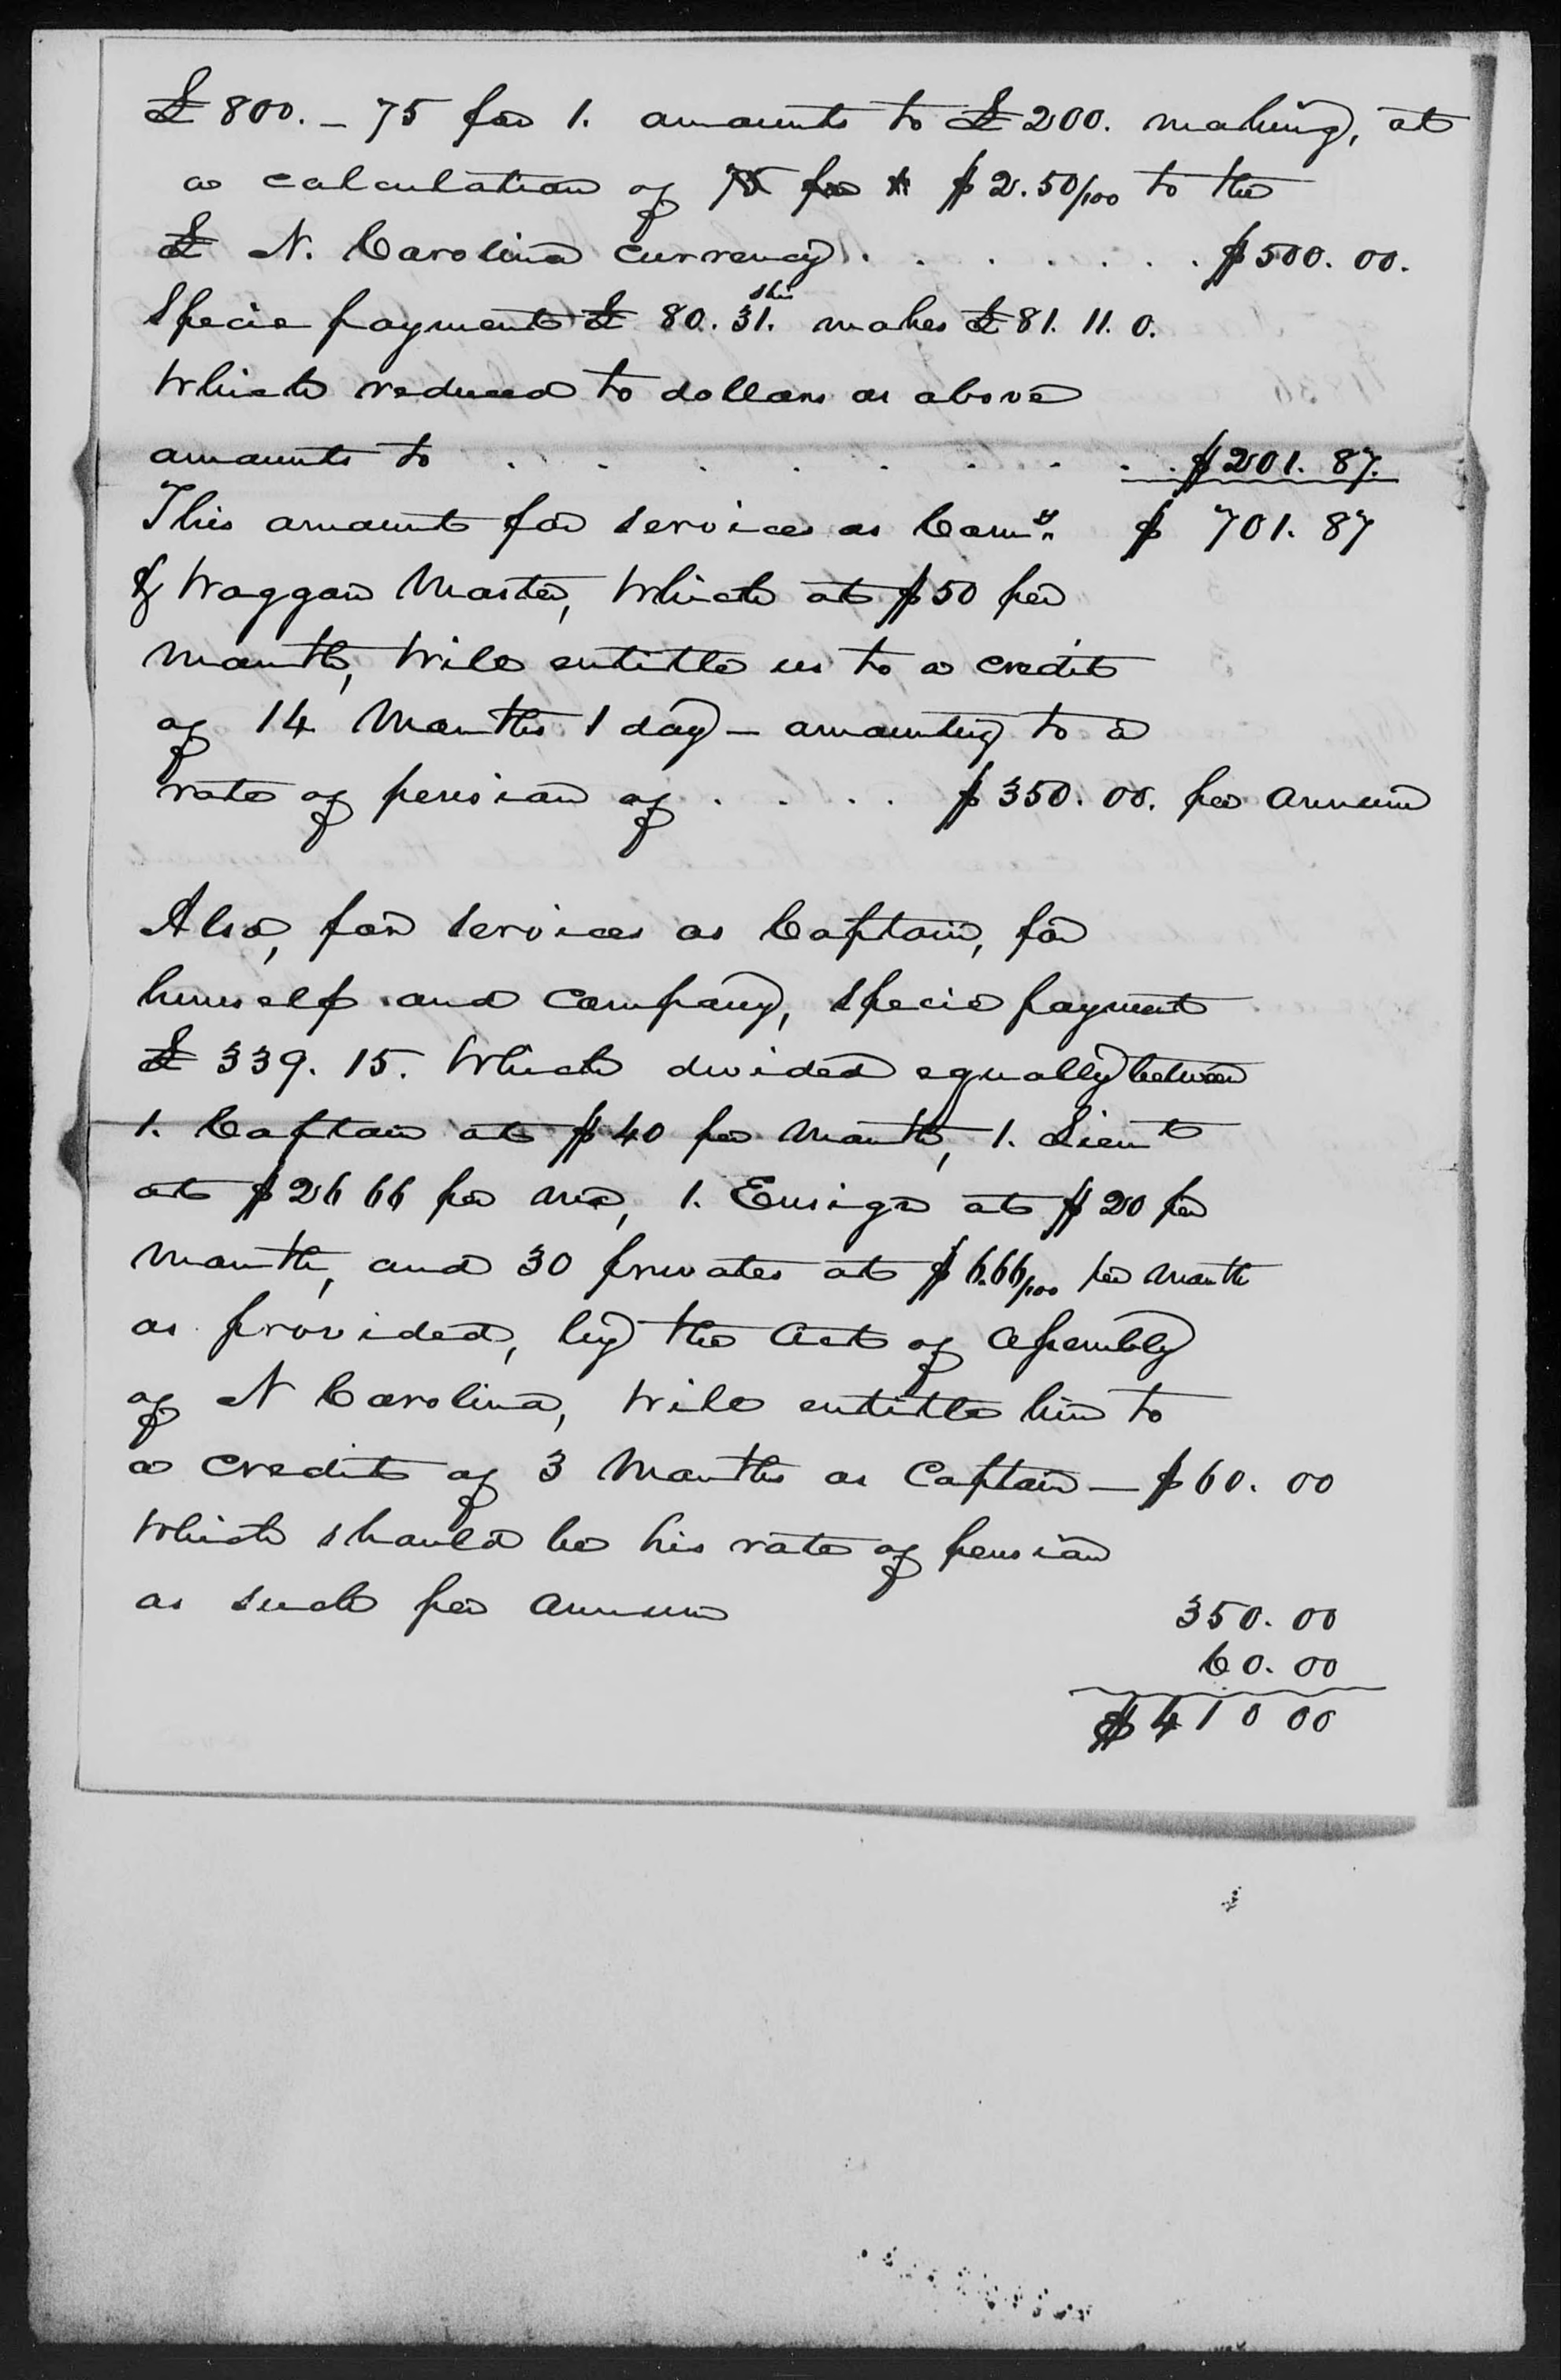£800.-75 for 1. Amount to £200. Making, at as calculation of [struck through three words] $2.50/100 to the [struck through £] N Carolina currency………$500.00. Specia payments £ 8031 she makes £81.11.0. Which reduced to dollars above amounts to ………….$201.87.
This amount for services as  [illegible]        $701.87
As Waggon Master, which at $50 per mounts, wile entitle us to a credit of 14 months 1 day – amount to a notes of pension of ………$350.00 per annum.
Also, for services as Captain, for himself and company, specia payments £339.15 which divided equally between 1. Captain at $40 per month, 1. [illegible] at $26 66 per and, 1. Ensigna at $20 per month, and 30 privates at $6.66/100 per audit as provided, by the Act of assembly of N Caroina, while entitles him to a credit of 3 months as Captain - $60.00 which should be his rate of pension as such per annum     350.00
					      60.00
					-----------
					   $410.00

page: 50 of 62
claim: widow's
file: W 7005, Frederick Debow, N.C.